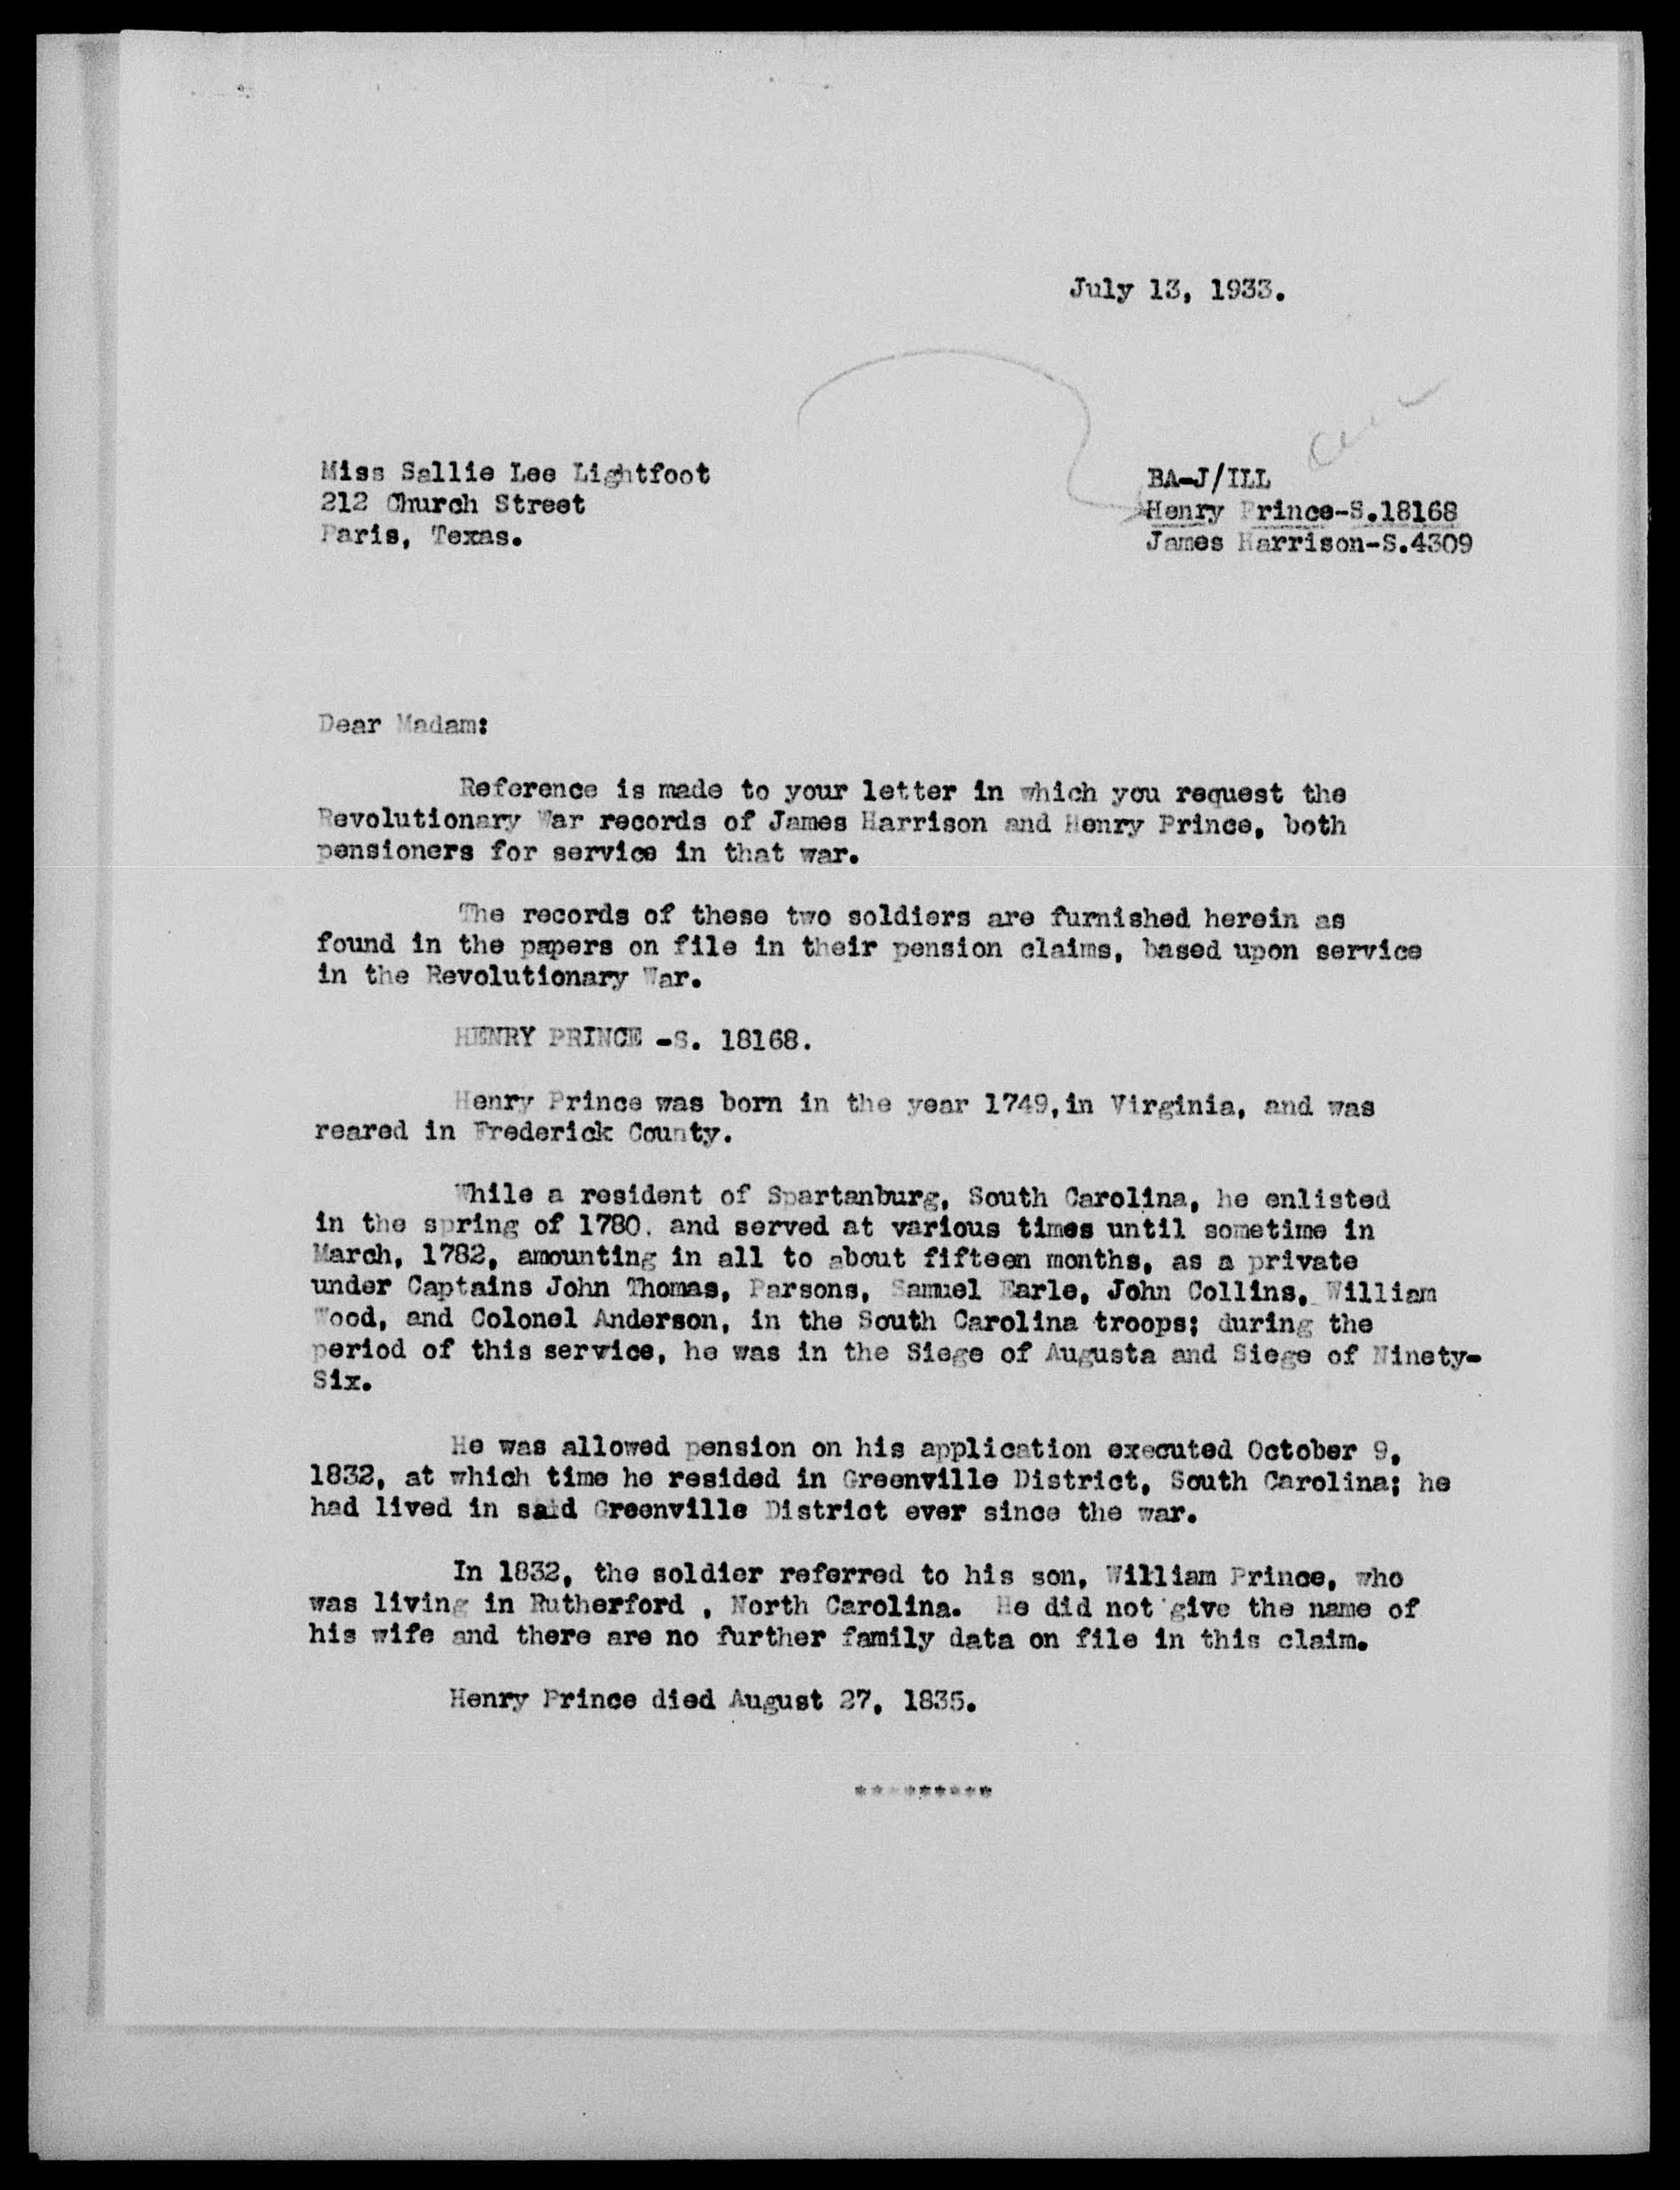Miss Sallie Lee Lightfoot
212 Church Street
Paris, Texas.
Dear Madam:
July 13, 1933.
BA-J/ILL
Henry Prince-S.18168
James Harrison - S.4309
Reference is made to your letter in which you request the
Revolutionary War records of James Harrison and Henry Prince, both
pensioners for service in that war.
The records of these two soldiers are furnished herein as
found in the papers on file in their pension claims, based upon service
in the Revolutionary War.
HENRY PRINCE -S. 18168.
Henry Prince was born in the year 1749, in Virginia, and was
reared in Frederick County,
While a resident of Spartanburg, South Carolina, he enlisted
in the spring of 1780 and served at various times until sometime in
March, 1782, amounting in all to about fifteen months, as a private
under Captains John Thomas Parsons, Samuel Earle, John Collins, William
Wood, and Colonel Anderson, in the South Carolina troops; during the
period of this service, he was in the Siege of Augusta and Siege of Ninety
Six.
He was allowed pension on his application executed October 9,
1832, at which time he resided in Greenville District, South Carolina; he
had lived in said Greenville District ever since the war.
In 1832, the soldier referred to his son, William Prince, who
was living in Rutherford, North Carolina. He did not give the name of
his wife and there are no further family data on file in this claim.
Henry Prince died August 27, 1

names: [BLANK] Anderson; Henry Prince; John Thomas; William Prince; Samuel Earle; William Wood; [BLANK] Parsons; Sallie Lee Lightfoot; John Collins; James Harrison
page: 7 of 23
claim: survivor's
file: S. 18,168, for Henry Prince, South Carolina